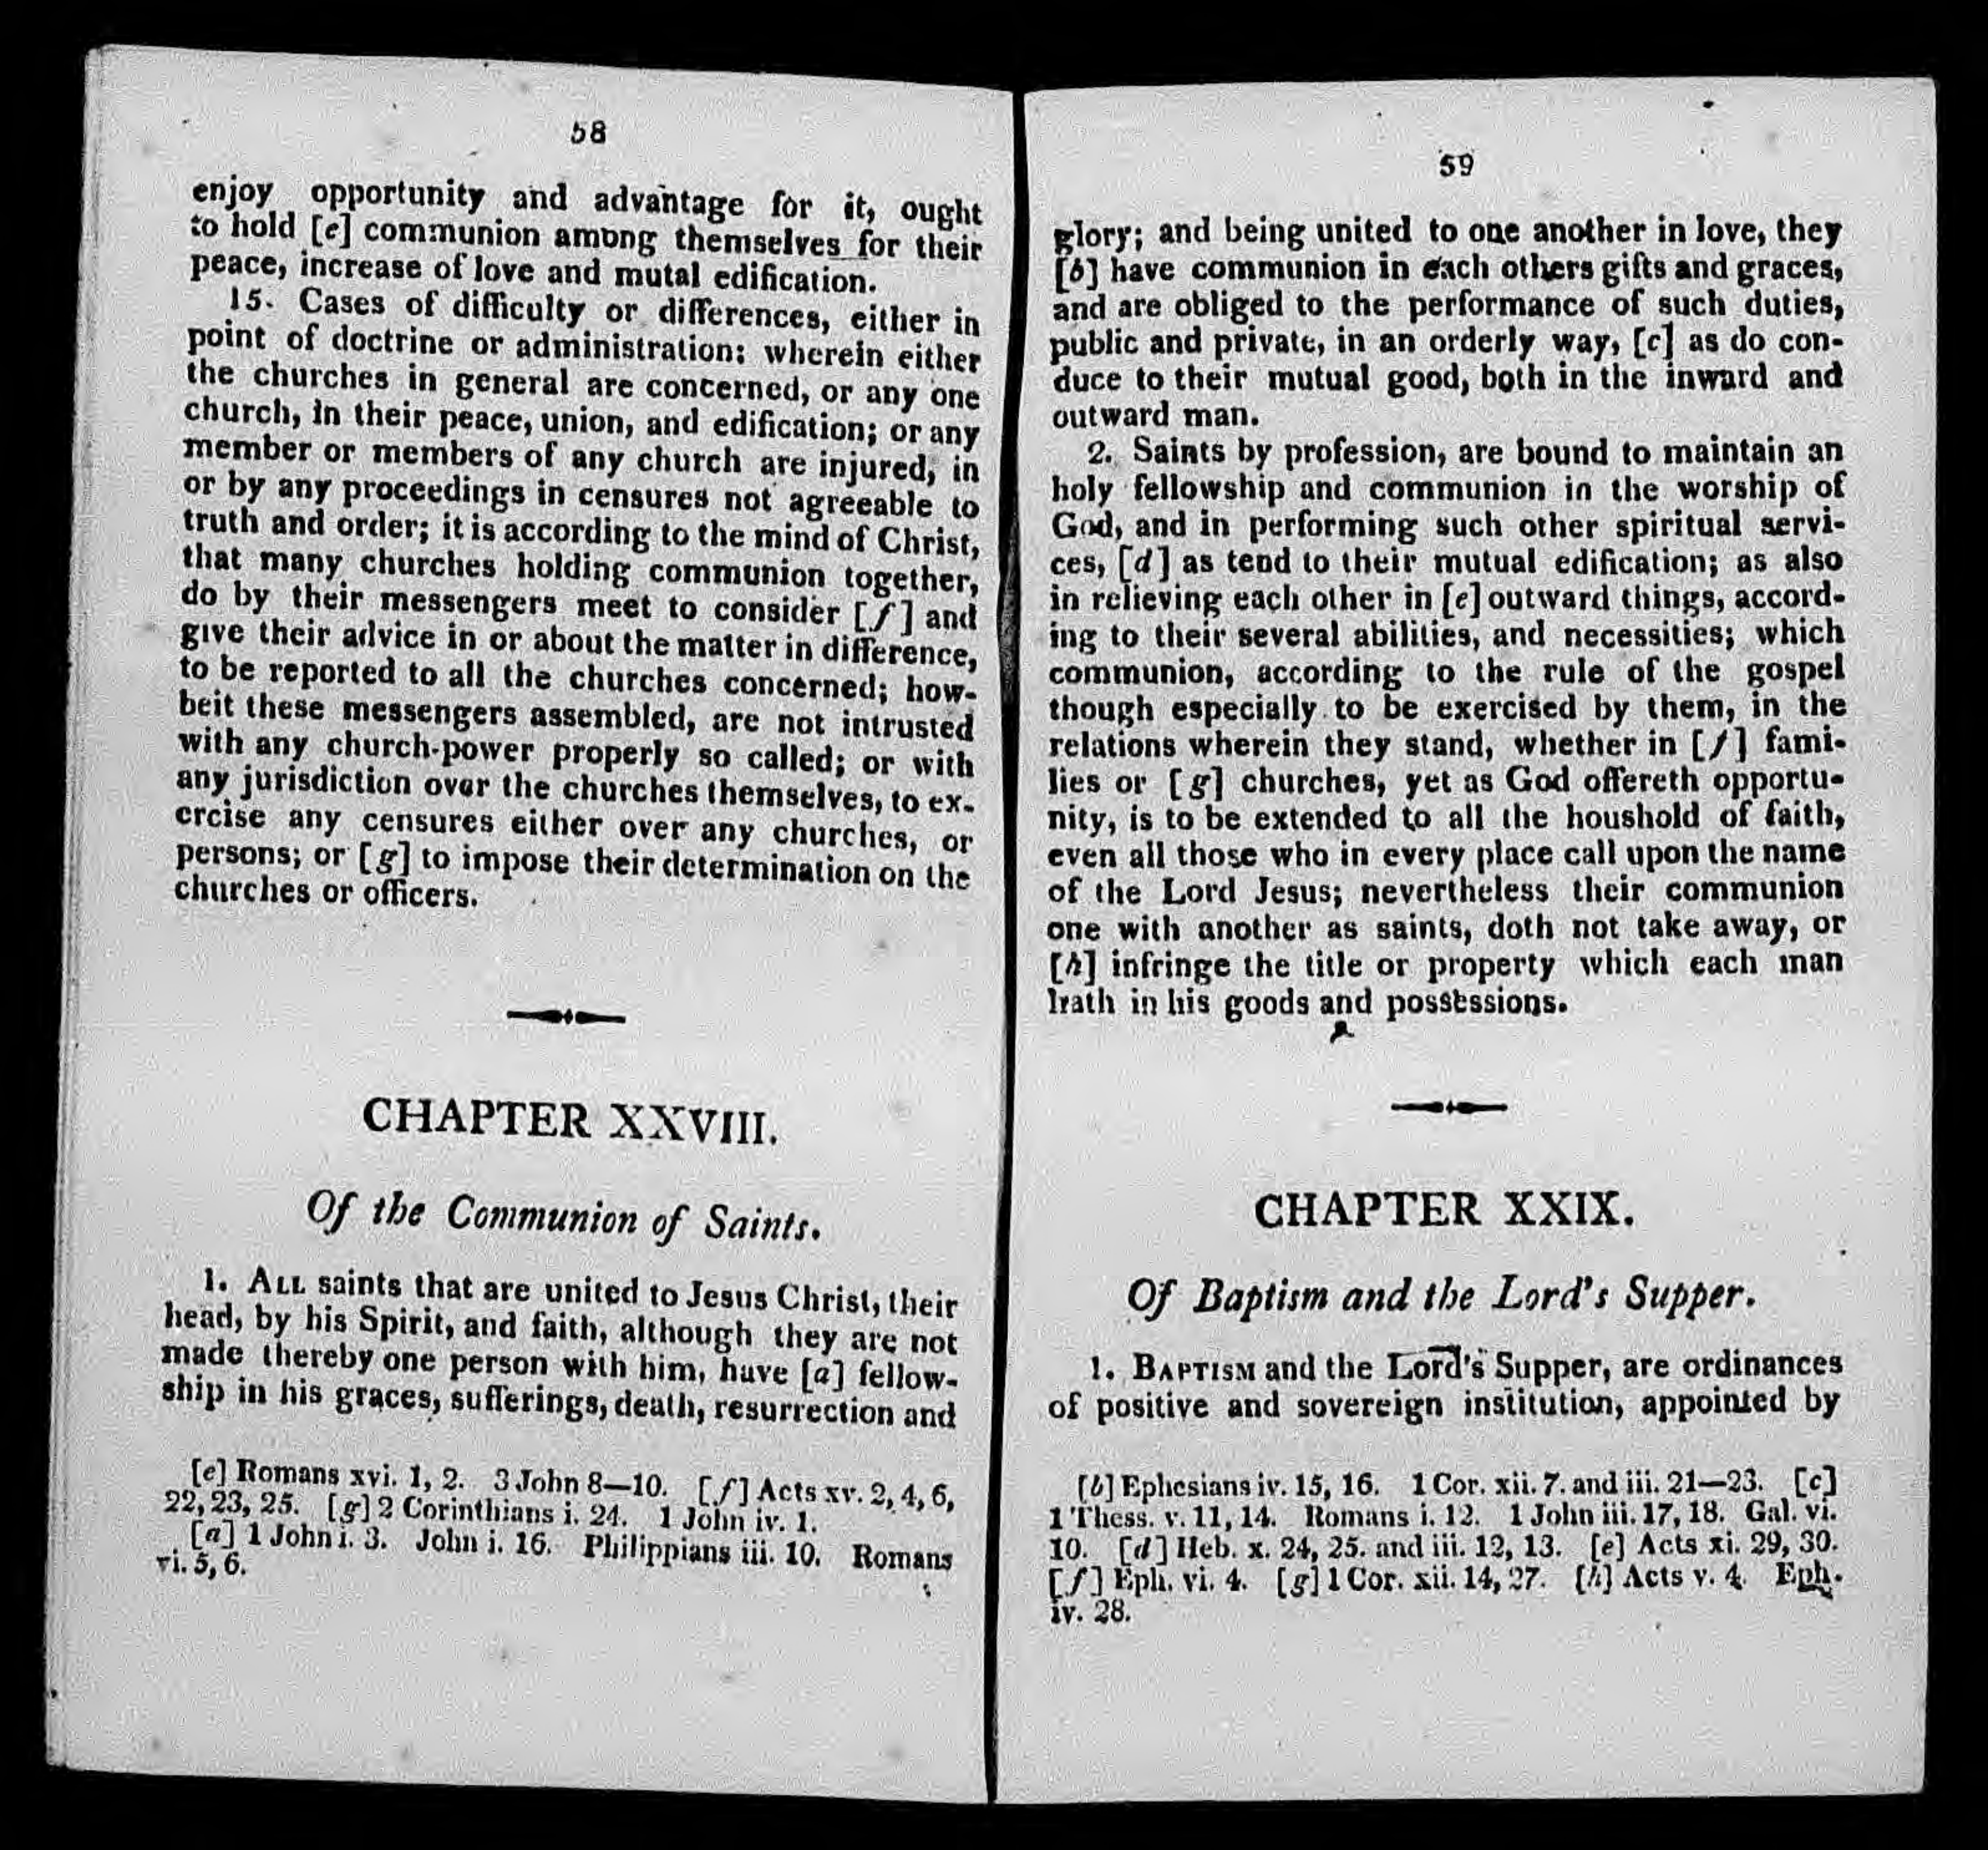enjoy opportunity and advantage for it, ought
to hold [e] communion among themselves for their
peace, increase of love and mutal edification.
15. Cases of difficulty or differences, either in
point of doctrine or administration; wherein either
the churches in general are concerned, or any one
church, in their peace, union, and edification or any
member or members of any church are injured, in
or by any proceedings in censures not agreeable to
truth and order; it is according to the mind of Christ,
that many churches holding communion together,
do by their messengers meet to consider [f] and
give their advice in or about the matter in difference,
to be reported to all the churches concerned, how- beit these messengers assembled, are not intrusted
with any church-power properly so called; or with
any jurisdiction over the churches themselves, to exercise any censures either over any churches, or
persons; or [g] to impose their determination on the
churches or officers.

--------

CHAPTER XXVIII.

Of the Communion of Saints.

1. All saints that are united to Jesus Christ, their
head, by his Spirit, and faith, although they are not
made thereby one person with him, have [a] fellow-
ship in his graces, sufferings, death, resurrection and

[e] Romans xvi. 1, 2.   3 John 8-10.   [f] Acts xv. 2, 4, 6,
22, 23, 25.   [g] 2 Corinthians i. 24.   1 John iv. 1.
[a] 1 John i.3.   John i. 16.   Philippians iii. 10.   Romans
vi. 5, 6.

59

glory; and being united to one another in love, they
[b] have communion in each other gifts and graces,
and are obliged to the performance of such duties,
public and private, in an orderly way, [c] as do conduce to their mutual good, both in the inward and
outward man.
2. Saints by profession, are bound to maintain an
holy fellowship and communion in the worship of
God, and in performing such other spiritual services,
[d] as tend to their mutual edification; as also
in relieving each other in [e] outward things, according to their several abilities, and necessities; which
communion, according to the rule of the gospel
though especially to be exercised by them, in the
relations wherein they stand, whether [f] families
or [g] churches, yet as God offereth opportunity, 
is to be extended to all the houshold of faith,
even all those who in every place call upon the name of
the Lord Jesus; nevertheless their communion
one with another as saints, doth not take away, or
[h] infringe the title or property which each man
hath in his goods and possessions.

-----

CHAPTER XXIX.

Of Baptism and the Lord's Supper.

1. Baptism and the Lord's Supper, are ordinances
of positive and sovereign institution, appointed by

[b] Ephesians iv. 15, 16.   1 Cor. xii. 7, and iii. 21-23.
1 Thess. v. 11, 14.   Romans i. 12   1 John iii. 17, 18.   Gal. vi. 10.   [d] Heb. x. 24, 25. and iii. 12, 13.   [e] Acts xi. 29, 30.   [f] Eph. vi. 4.   [g] 1 Cor. xii. 4, 27.    [h] Acts v. 4 .Eph. iv. 28.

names: John, John, John, John, John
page: 41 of 98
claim: widow's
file: W. 8398, William Broadway, S.C.